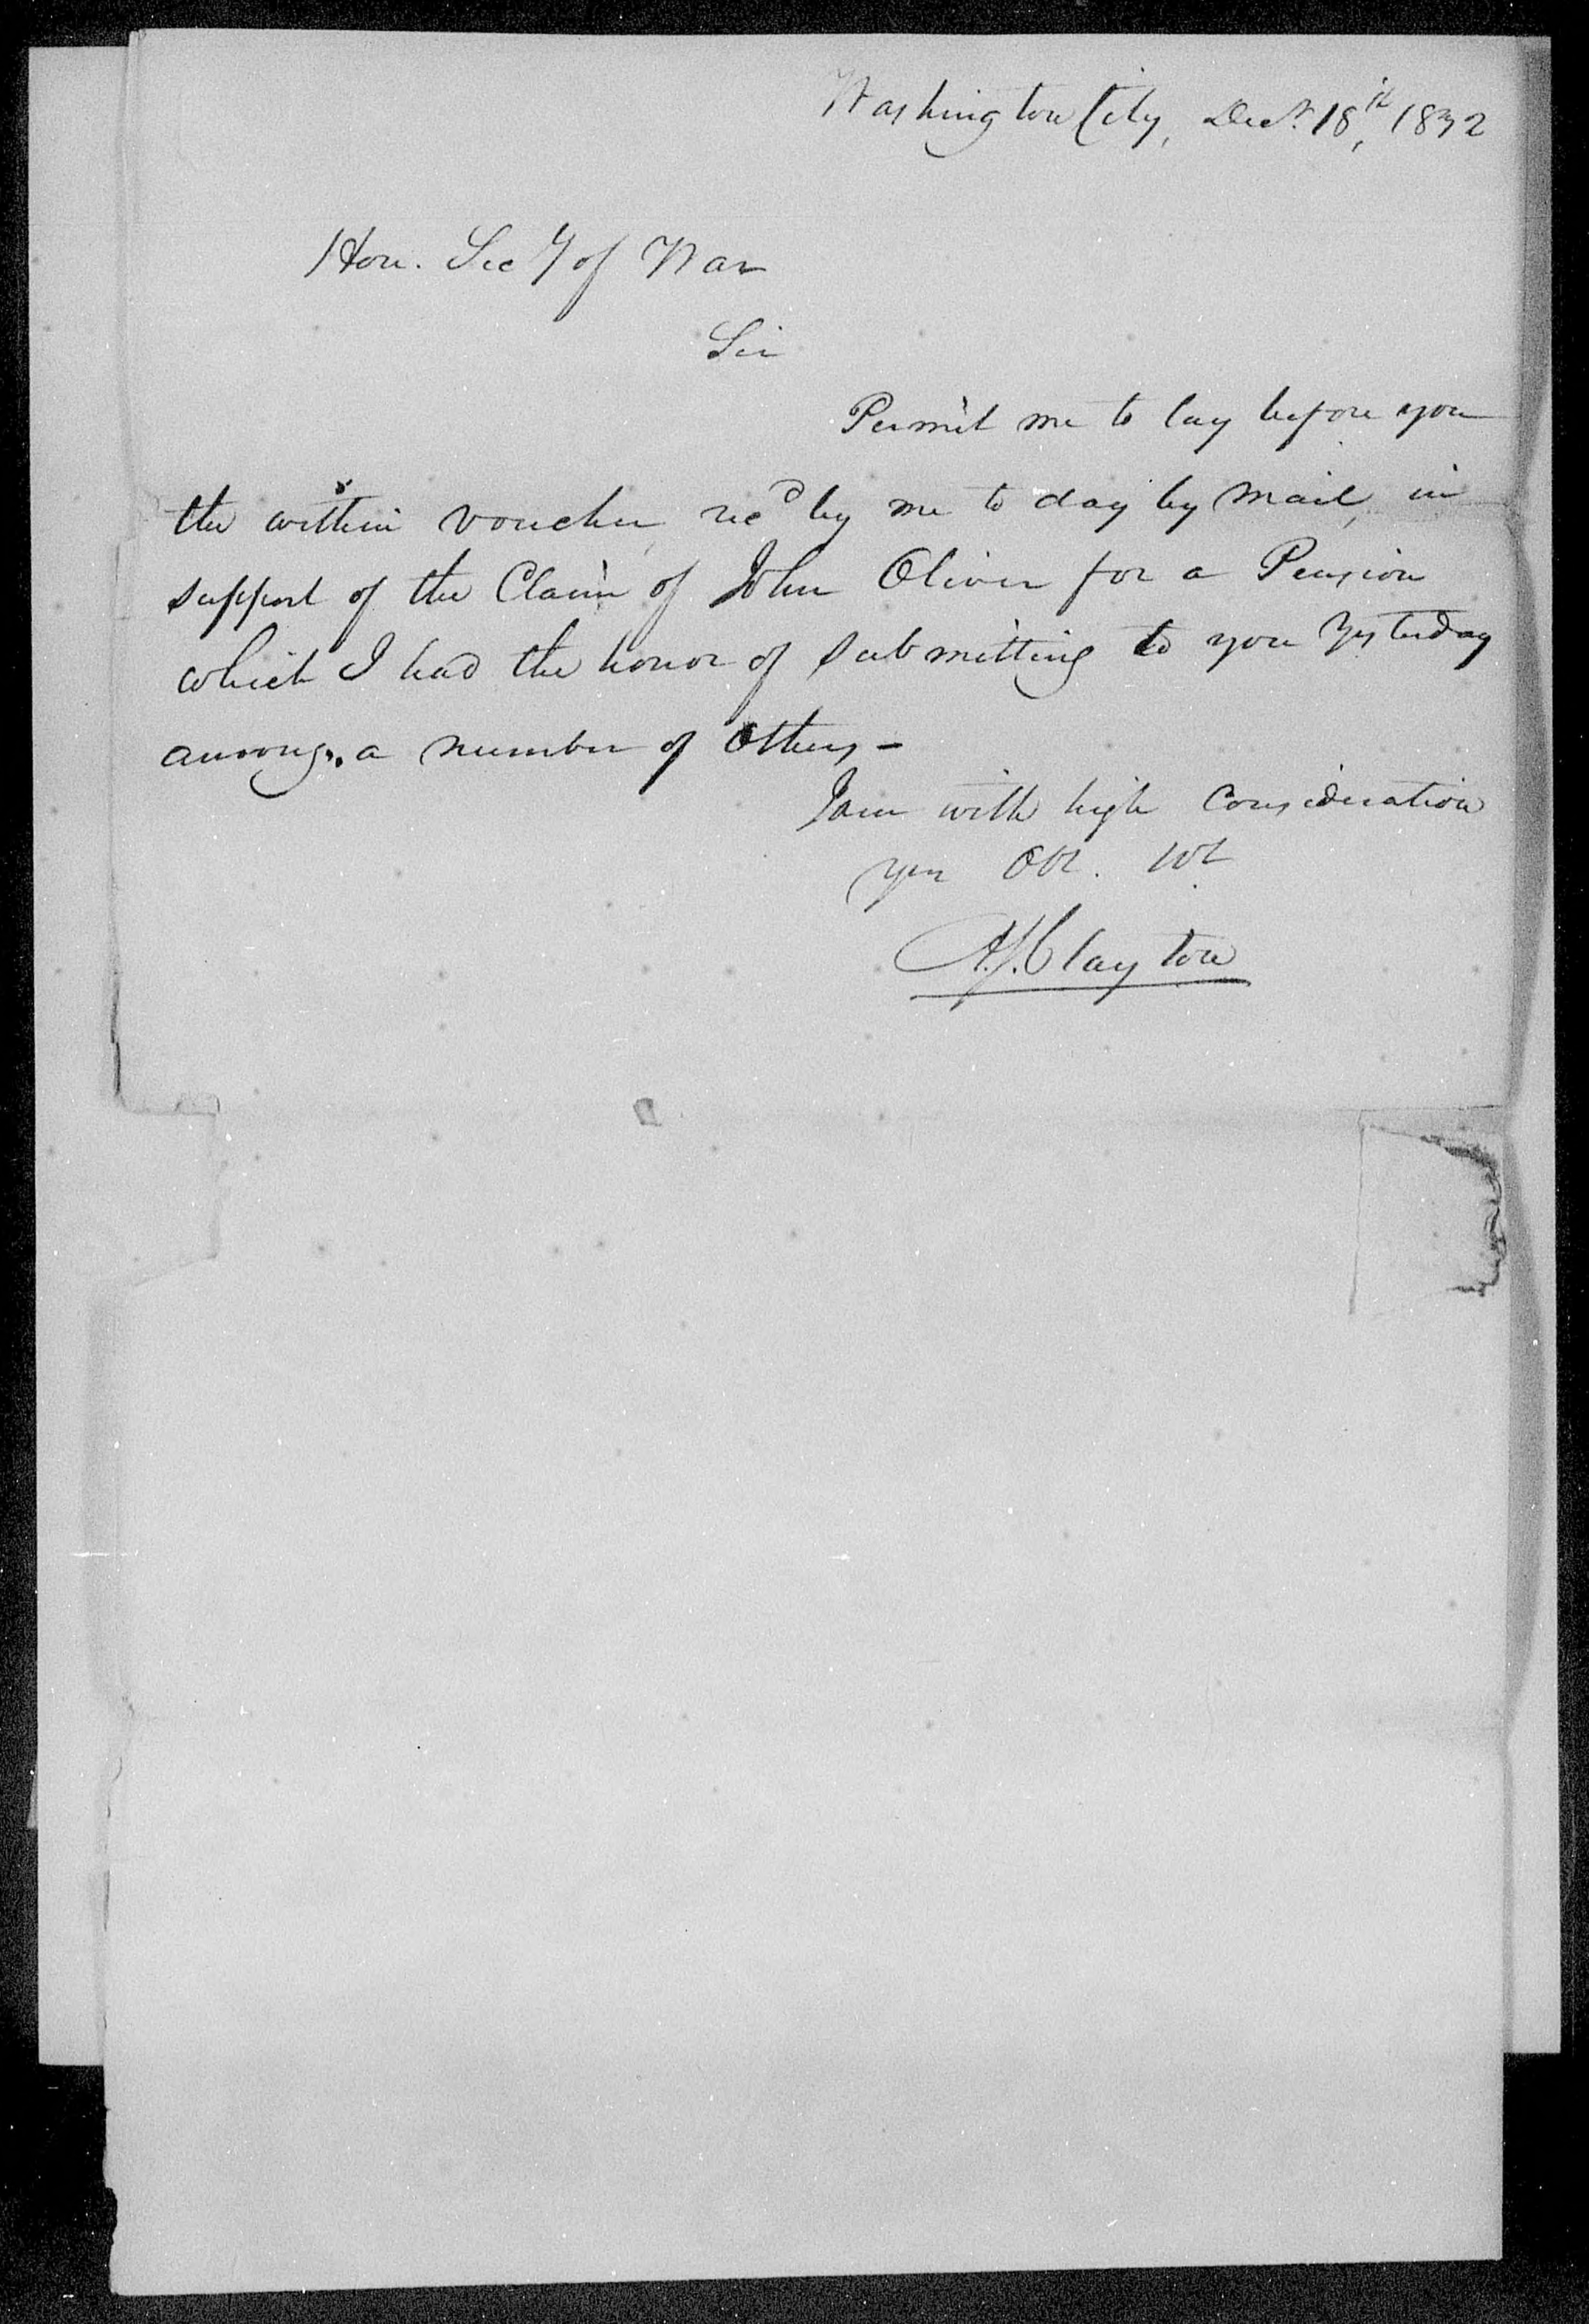Washington City, Dec. 18th, 1832

Hon. Secy of War
Sir
     Permit me to lay before you the written voucher recd by me today by mail in support of the claim of John Oliver for a Pension which I had the honor of submitting to you yesterday among a number of others.
            I am with high consideration
            Your obt. sevt.
                       A.S. Clayton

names: A S Clayton; John Oliver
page: 20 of 32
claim: survivor's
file: S. 31888, for John Oliver, North Carolina